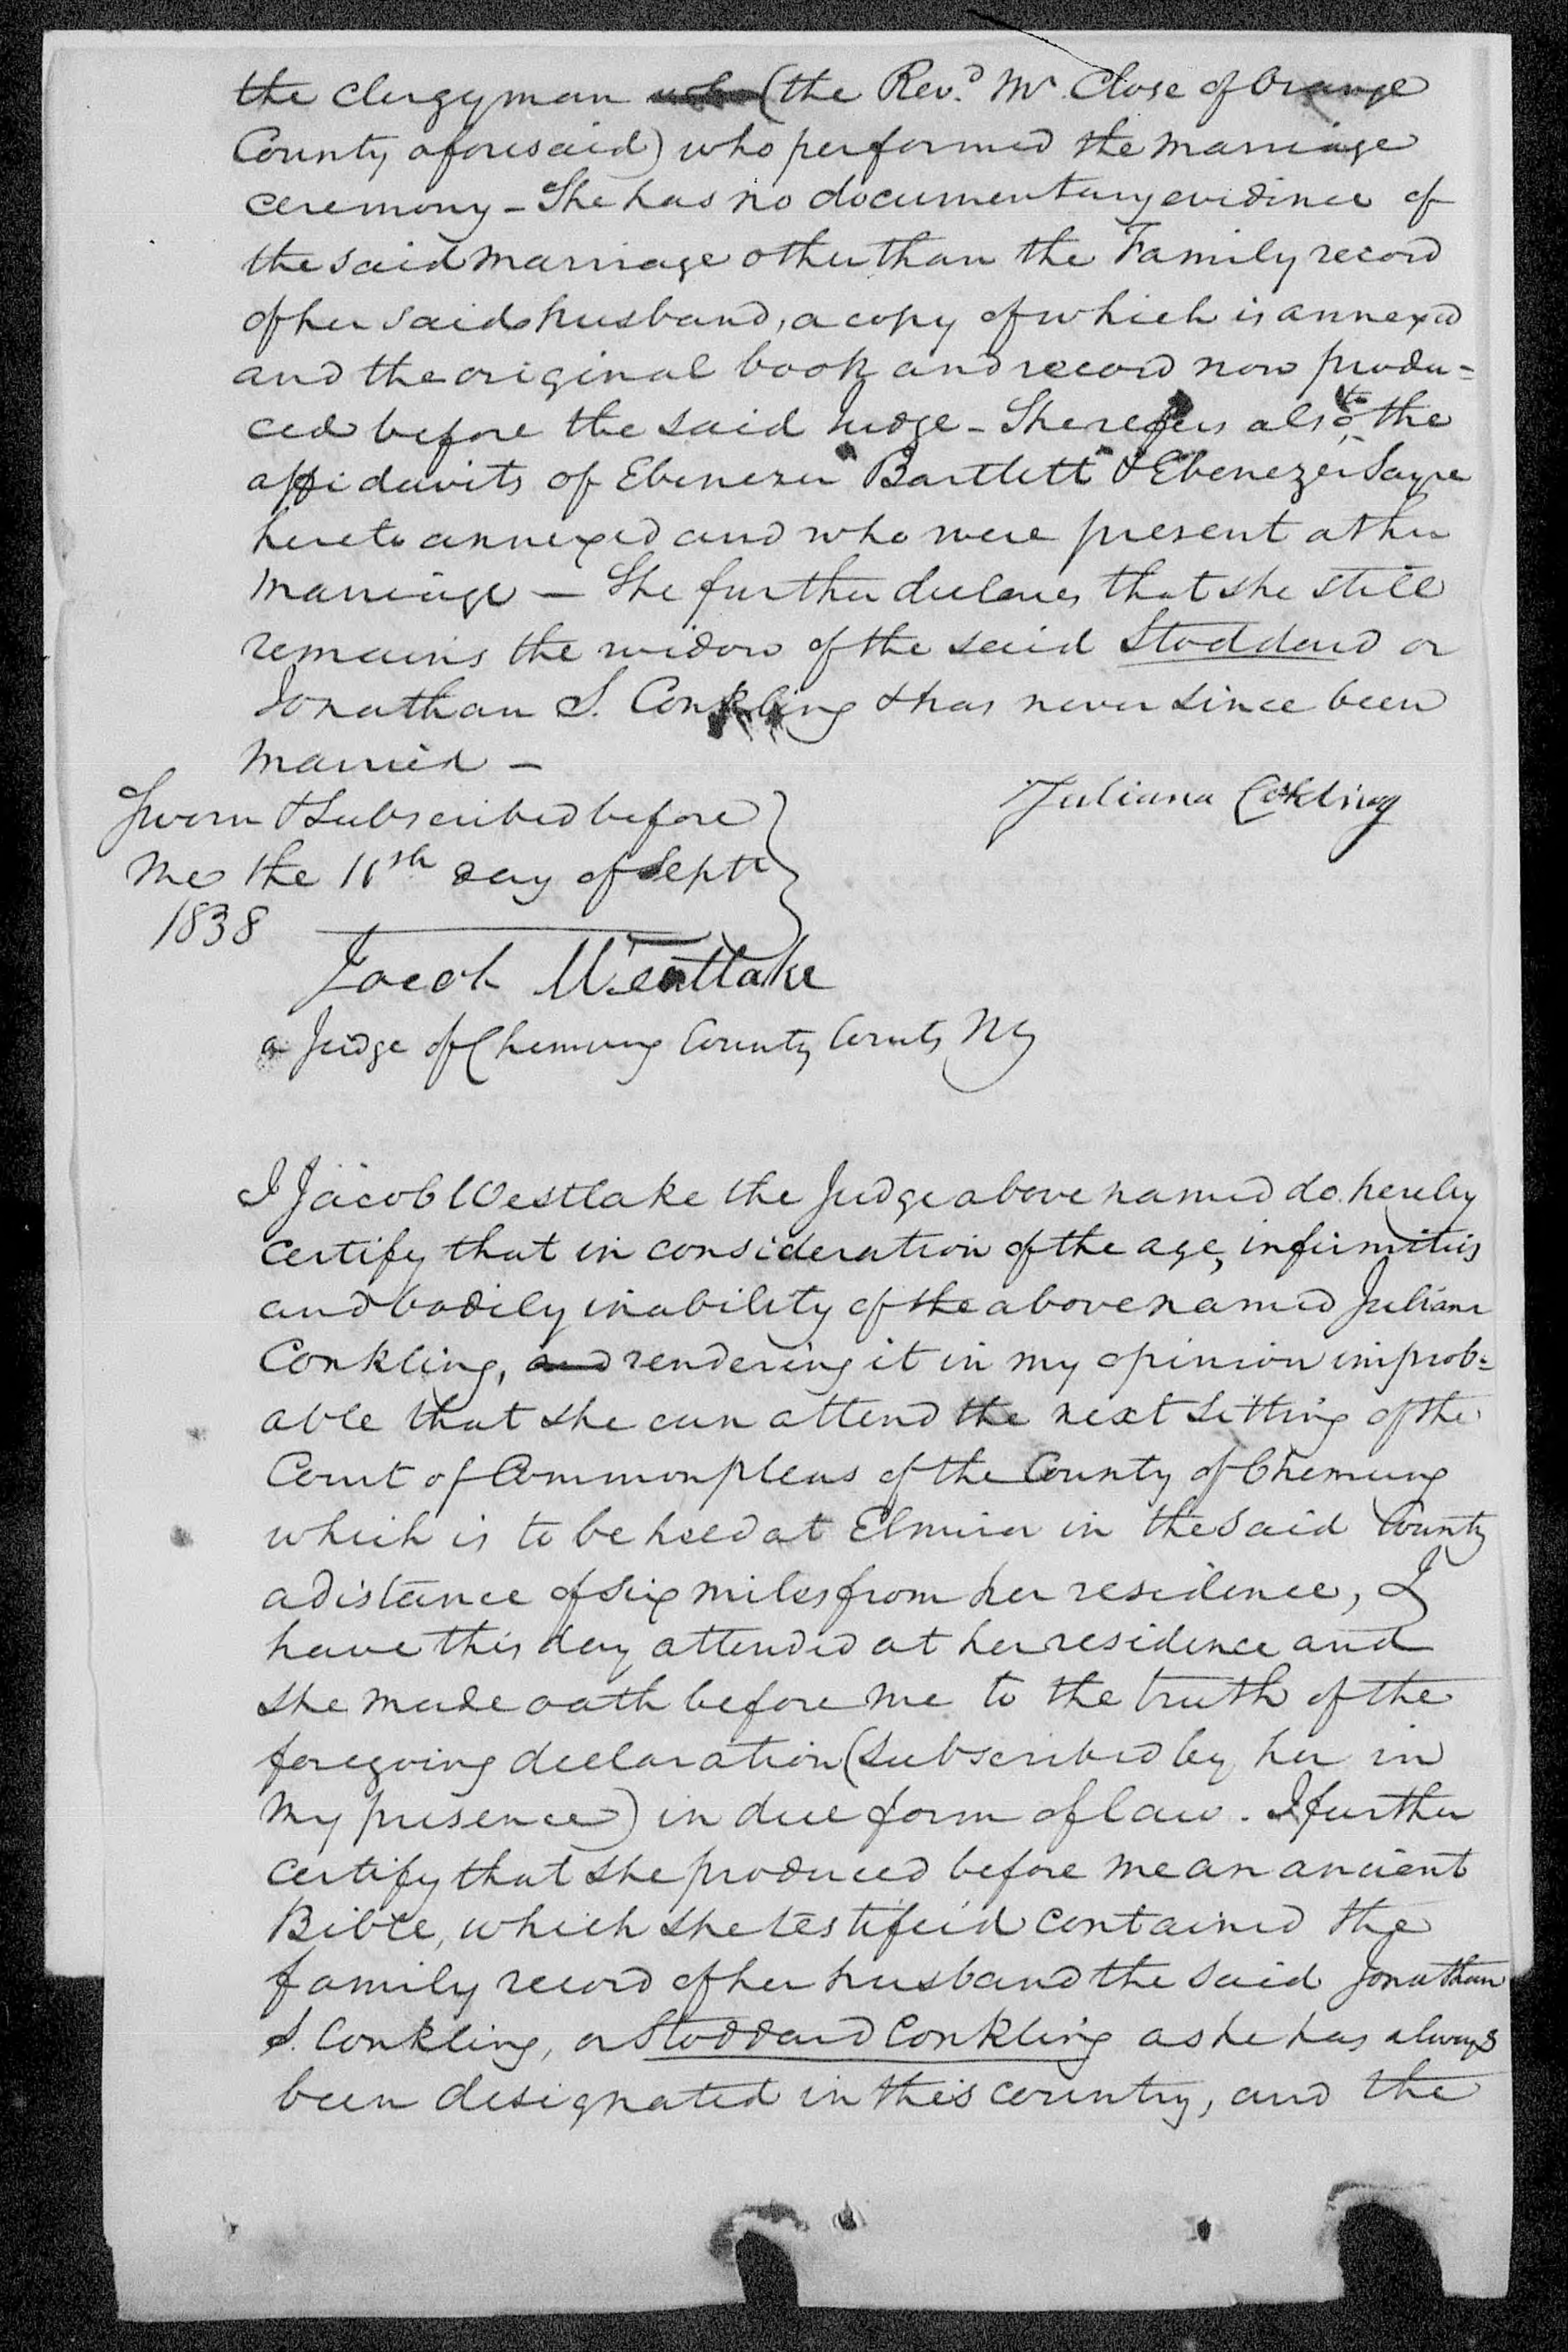the clergyman ( the Revd. Mr Close of Orange County aforesaid) who performed the marriage ceremony. She has no documentary evidence of the said marriage other than the Family record of her said husband, a copy of which is annexed and the original book and record now produced before the said Judge. Therefore also to the affidavits of Ebenezer " Bartlett" + Ebenezer Sayre hereto annexed and who were present at his marriage. She further declares that she still remains the widow of the said Stoddard or Jonathan S. Conkling + has never since been married.     Juliana Conkling
sworn and subscribed before me the 11th day of Sept 1838
Jacob Westlake
a judge of Chemung County Courts NY
I Jacob Westlake the Judge above named do hereby certify that in consideration of the age, infirmities and bodily inability of the above named Juliana Conkling, rendering it in my opinion improbable that she can attend the next sitting of the court of Common pleas of the county of Chemung which is to be held at Elmira in the said county a distance of six miles from her residence, I have this day attended at her residence and she made oath before me to the truth of the foregoing declaration ( subscribed by her in my presence) in due form of law. I further certify that she produced before me an ancient Bible which she testified contained the family record of her husband the said Jonathan S. Conkling, or Stoddard Conkling as he has always been designated in this country, and the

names: Juliana Conkling, Stoddard Conkling, Jonathan S Conkling, Stoddard Conkling, Ebenezer Sayre, Ebenezer Bartlett, Jacob Westlake, Jonathan S Conkling, Jacob Westlake, Juliana Conkling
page: 5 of 18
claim: widow's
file: W. 18,939, Jonathan S Conkling, New York